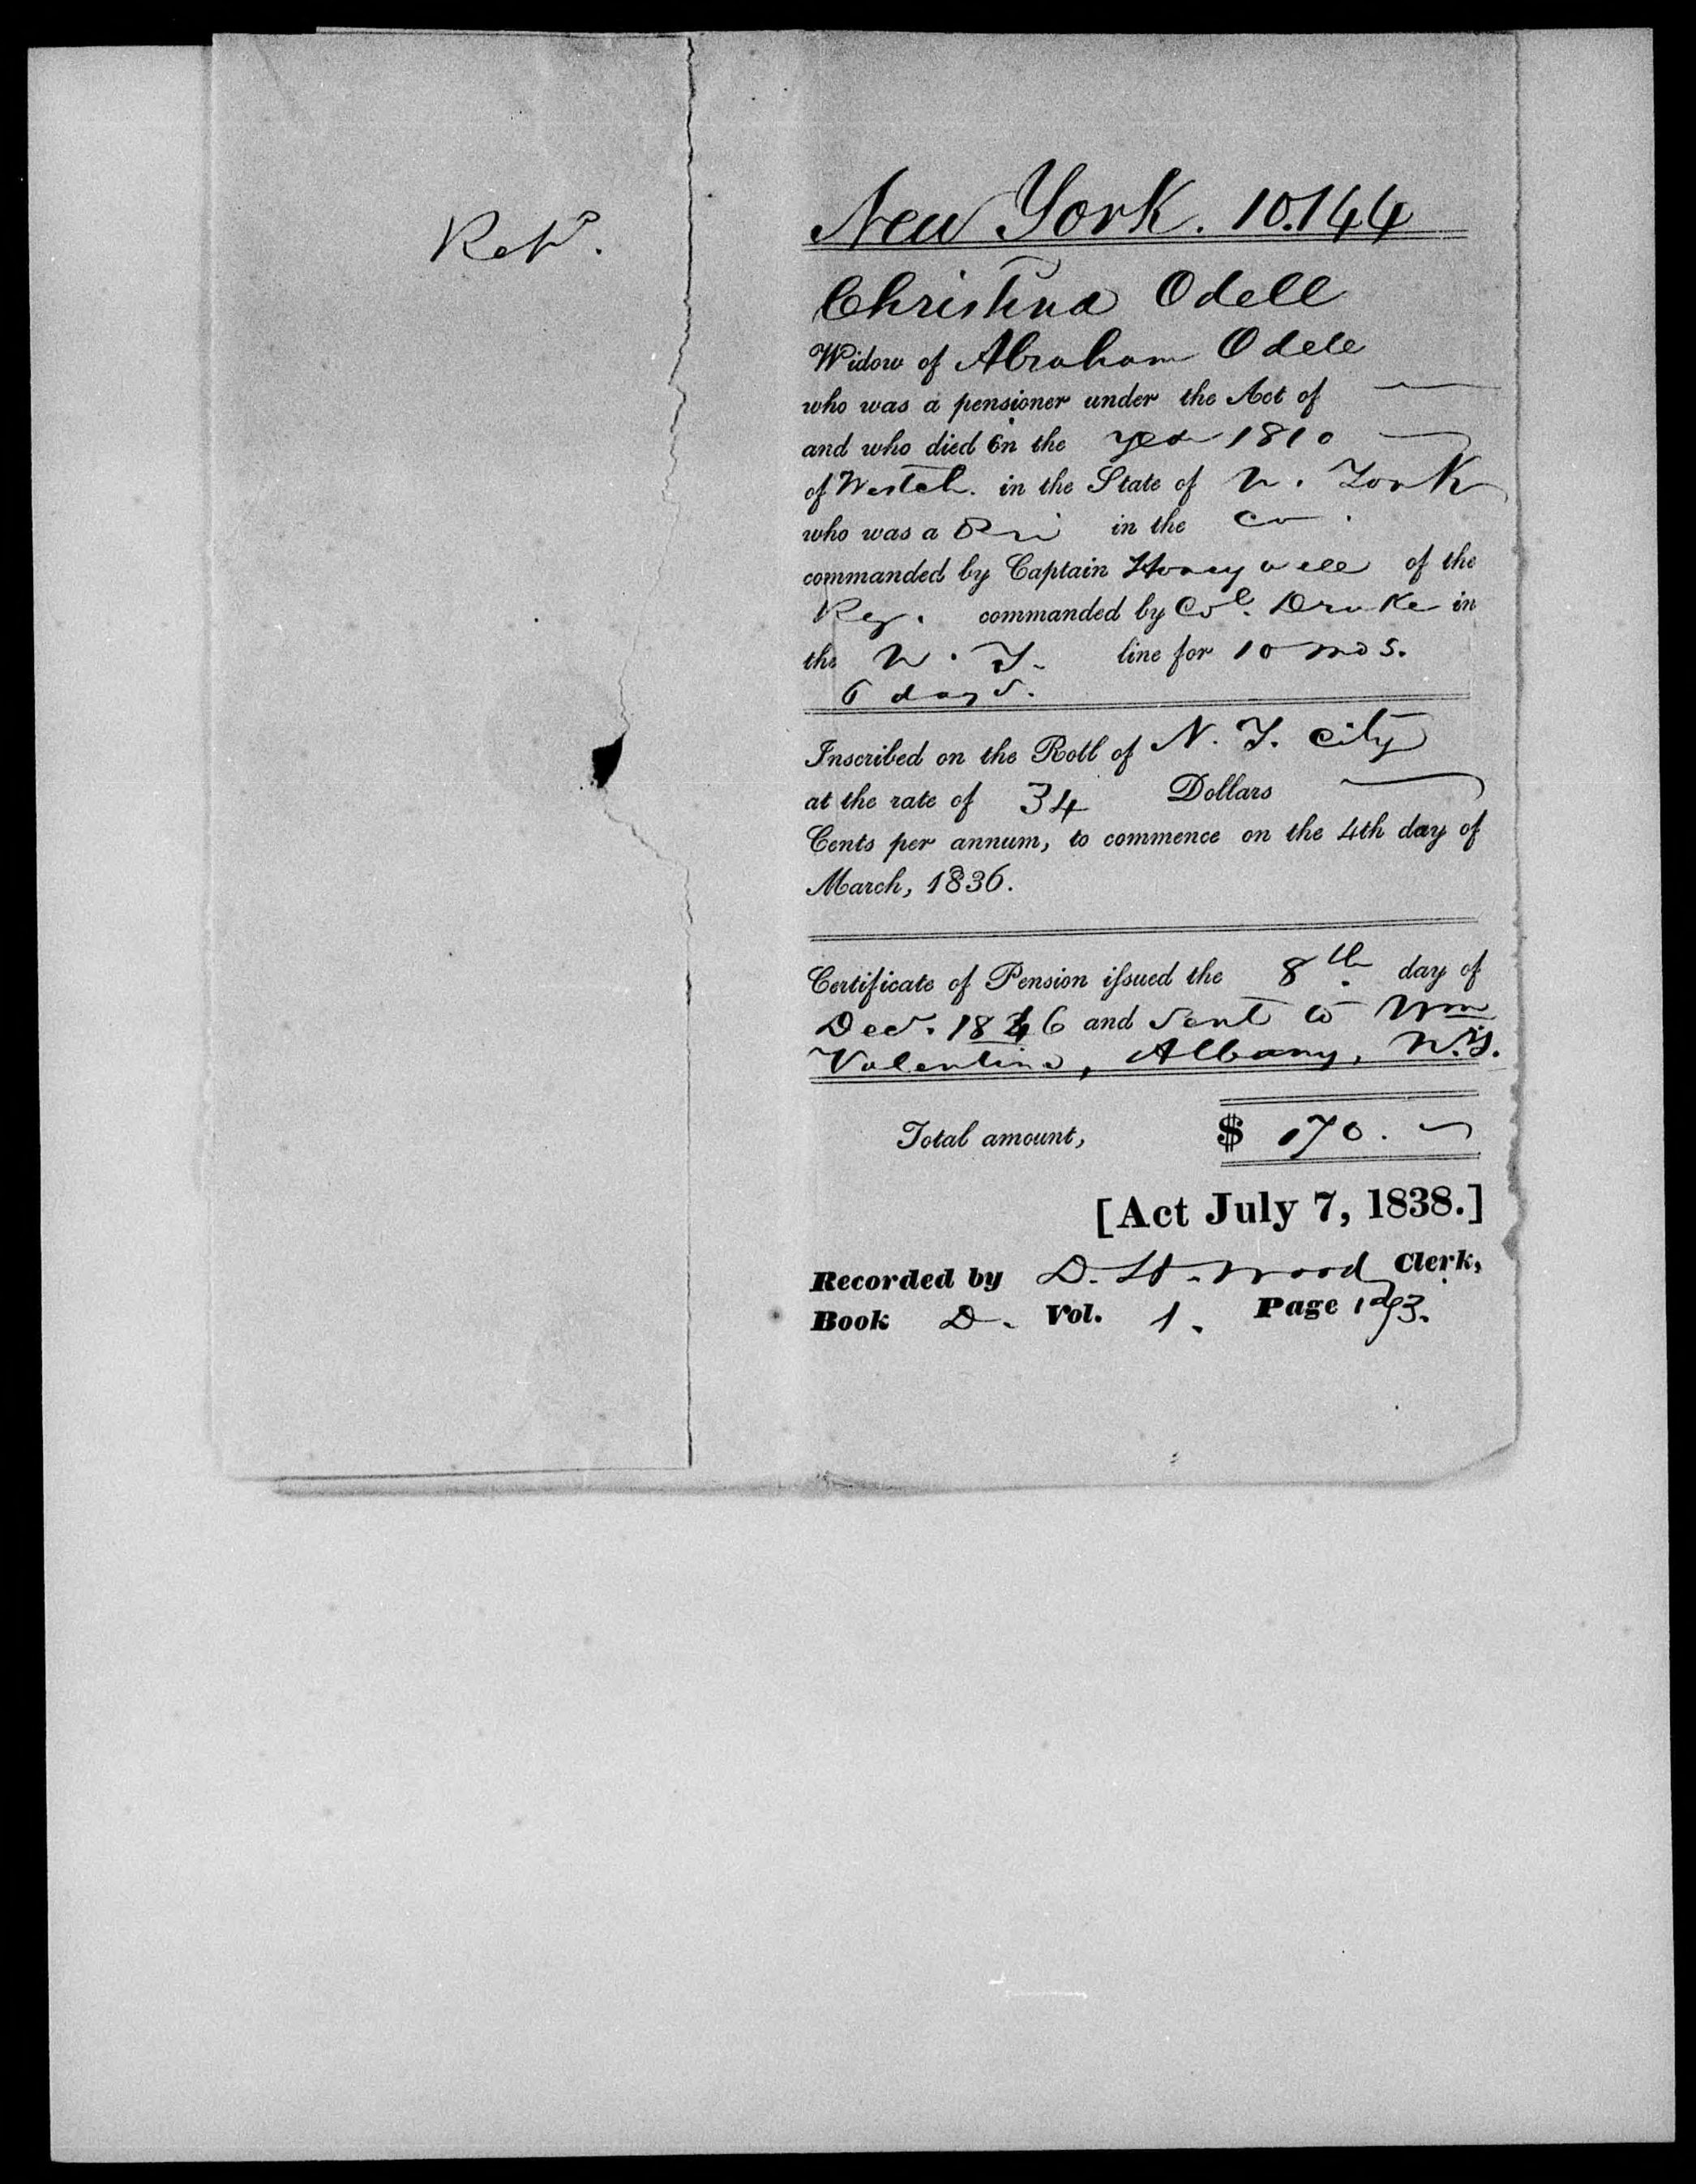[printed form with hand written responses] 
Retd. New York.10.144
============== 
Christina Odell Widow of Abraham Odell who was a pensioner under the Act of ---- and who died in the year 1810 ---- of Westch. in the State of N. York who was a Pri in the Co. commanded by Captain Honeywell of the Reg. commanded by Col. Drake in the N.Y. line for 10 mos. 6 days
=============== 
Inscribed on the Roll of N. Y. City at the rate of 34 Dollars --- Cents per annum, to commence on the 4th day of March, 1836.
=============== 
Certificate of Pension issued the 8th. day of Decr. 1846 and sent to Wm. Valentine, Albany, N.Y.
=============== 
Total amount, $170.--
===== 
[Act July 7, 1838.] [square brackets in original] 
Recorded by D. H. Wood Clerk, Book D. Vol. 1. Page 173.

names: D H Wood; Christina Odell; [BLANK] Drake; [BLANK] Honeywell; Wm Valentine; Abraham Odell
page: 13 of 19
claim: widow's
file: W. 24363, for Abraham Odell, New York